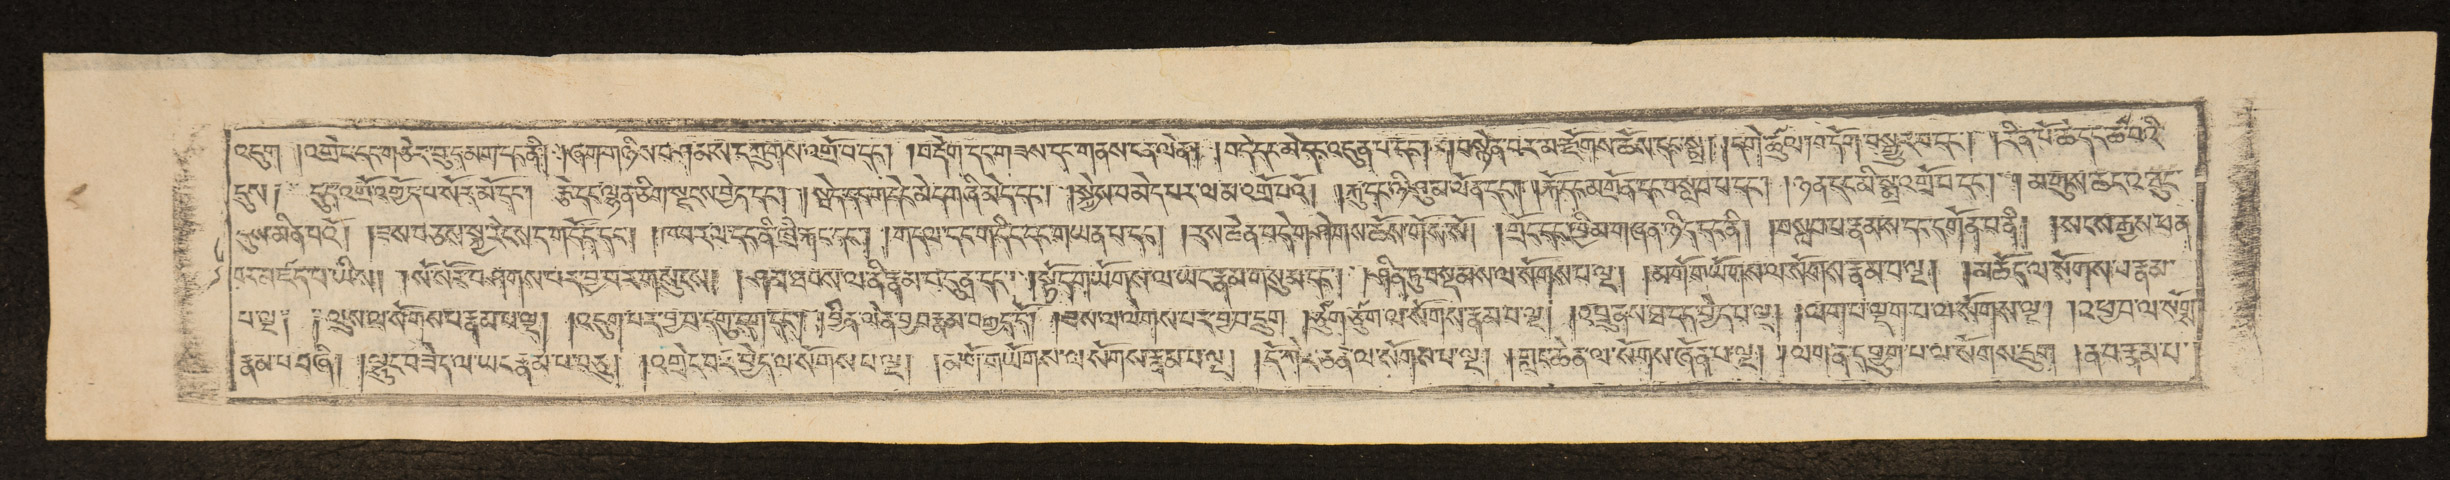འདུག །འགྲེང་དང་གཅེར་བུ་དམག་དང་ནི། །ཞག་གཉིས་བཤམས་དཀྲུགས་འགྲོ་བ་དང་། །བརྡེག་དང་གཟས་དང་གནས་ངན་ལེན། །བདེ་དང་མེ་དང་འདུན་པ་དང་། །བསྙེན་བར་མ་རྫོགས་ཆོས་དང་སྨྲ། །དགེ་ཚུལ་ཁ་དོག་བསྒྱུར་བ་དང་། །རིན་པོ་ཆེ་དང་ཚོ་བའི་
དུས། དུད་འགྲོ་འགྱོད་པ་སོར་མོ་དང་། རྩེ་དང་ལྷན་ཅིག་སྡངས་བྱེད་དང་། །སྦེད་དང་གདེང་མེད་གཞི་མེད་དང་། །སྐྱེས་པ་མེད་པར་ལམ་འགྲོ་བའོ། །རྐུ་དང་ཉི་ཤུ་མ་ལོན་དང་། །རྐོ་དང་མགྲོན་དང་བསླབ་པ་དང་། །ཉན་དང་མི་སྒྲ་འགྲོ་བ་དང་། །མ་གུས་ཆང་འཐུང་
དུས་མིན་པའོ། །ཟས་བཅས་སྐྱ་རེངས་དག་དོད་དང་། །ཁབ་རལ་དང་ནི་ཁྲི་རྐང་དང་། །གདལ་དང་གདིང་དང་གཡན་པ་དང་། །རས་ཆེན་བདེ་གཤེགས་ཆོས་གོས་སོ། །གྲོང་དང་ཁྱིམ་གཞན་ཉིད་དང་ནི། །བསླབ་པ་རྣམས་དང་དགོན་པ་ནི། །སངས་རྒྱས་ཕན་
བར་མཛད་པ་ཡིས། །སོ་སོར་བཤགས་བར་བྱ་བར་གསུངས། །ཤམ་ཐབས་ལ་ནི་རྣམ་བདུན་དང་། །སྟོད་གཡོགས་ལ་ཡང་རྣམ་གསུམ་དང་། །ཤིན་ཏུ་བསྔམས་ལ་སོགས་པ་ལྔ། །མགོ་གཡོགས་པ་སོགས་རྣམ་པ་ལྔ། །མཆོད་ལ་སོགས་པ་རྣམ་
པ་ལྔ༑ ༑ལུས་ལ་སོགས་པ་རྣམ་པ་ལྔ། །འདུག་པར་བྱ་བ་དགུ་དག་དང་། །བྱིན་ལེན་བྱ་བ་རྣམ་བརྒྱད་དོ། །ཟས་ལ་ལེགས་པར་བྱ་བ་དྲུག །ཙུག་ཙུག་ལ་སོགས་རྣམ་པ་ལྔ། །འབྲུ་ནས་ཐ་དད་བྱེད་པ་ལྔ། །ལག་པ་ལྡག་པ་ལ་སོགས་ལྔ། །འཕྱ་བ་ལ་སོགས་
རྣམ་པ་བཞི། །ལྷུང་བཟེད་ལ་ཡང་རྣམ་པ་བཅུ། །འགྲེང་པར་བྱེད་ལ་སོགས་པ་ལྔ། །མགོ་གཡོགས་ལ་སོགས་རྣམ་པ་ལྔ། །དོ་ཀེར་ཅན་ལ་སོགས་པ་ལྔ། །གླང་ཆེན་ལ་སོགས་ཞོན་པ་ལྔ། །ལག་ན་དབྱུག་པ་ལ་སོགས་དྲུག །ན་བ་རྣམ་པ་